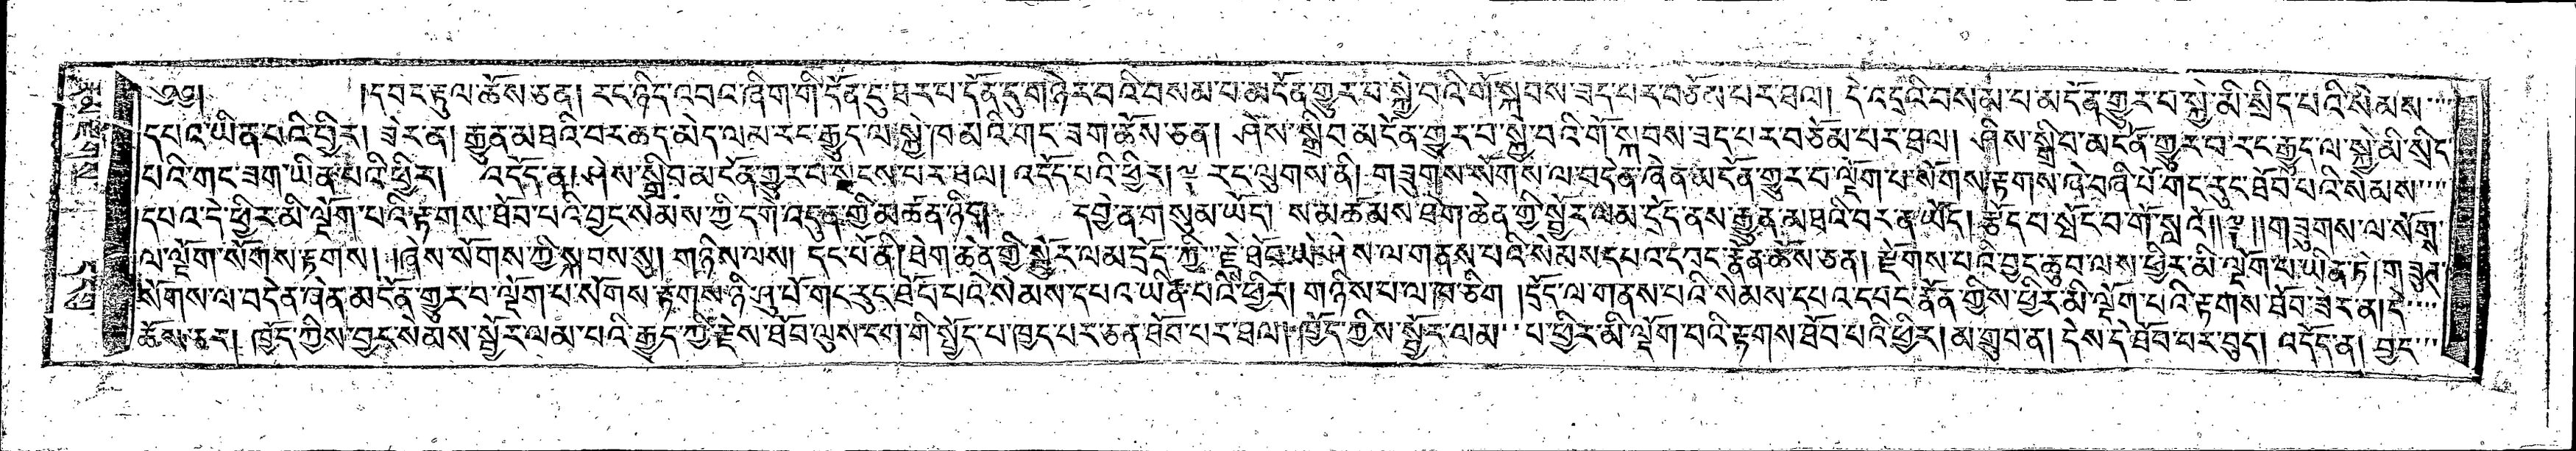༄༅། །དབང་རྟུལ་ཆོས་ཅན། རང་ཉིད་འབའ་ཞིག་གི་དོན་དུ་ཐར་པ་དོན་དུ་གཉེར་བའི་བསམ་པ་མངོན་གྱུར་པ་སྐྱེ་བའི་གོ་སྐབས་ཟད་པར་བཅོམ་པར་ཐལ། དེ་འདྲའི་བསམ་པ་མངོན་གྱུར་བ་སྐྱེ་མི་སྲིད་པའི་སེམས་
དཔའ་ཡིན་པའི་ཕྱིར། ཟེར་ན། རྒྱུན་མཐའི་བར་ཆད་མེད་ལམ་རང་རྒྱུད་ལ་སྐྱེ་ཁ་མའི་གང་ཟག་ཆོས་ཅན། ཤེས་སྒྲིབ་མངོན་གྱུར་བ་སྐྱེ་བའི་གོ་སྐབས་ཟད་པར་བཅོམ་པར་ཐལ། ཤིས་སྒྲིབ་མངོན་གྱུར་བ་རང་རྒྱུད་ལ་སྐྱེ་མི་སྲིད་
པའི་གང་ཟག་ཡིན་པའི་ཕྱིར། འདོད་ན། ཤེས་སྒྲིབ་མངོན་གྱུར་བ་སྤངས་པར་ཐལ། འདོད་པའི་ཕྱིར།༈ རང་ལུགས་ནི། གཟུགས་སོགས་ལ་བདེན་ཞེན་མངོན་གྱུར་བ་ལྡོག་པ་སོགས་རྟགས་ཞེ་བཞི་པོ་གང་རུང་ཐོབ་པའི་སེམས་
དཔའ་དེ་ཕྱིར་མི་ལྡོག་པའི་རྟགས་ཐོབ་པའི་བྱང་སེམས་ཀྱི་དགེ་འདུན་གྱི་མཚན་ཉིད། དབྱེ་ན་གསུམ་ཡོད། ས་མཚམས་ཐེག་ཆེན་གྱི་སྦྱོར་ལམ་དྲོད་ནས་རྒྱུན་མཐའི་བར་ན་ཡོད། རྩོད་པ་སྤོང་བ་གོ་སླའོ།།༈།།གཟུགས་ལ་སོགས་
ལས་ལྡོག་སོགས་རྟགས། །ཞེས་སོགས་ཀྱི་སྐབས་སུ། གཉིས་ལས། དང་པོ་ནི། ཐེག་ཆེན་གྱི་སྦྱོར་ལམ་དྲོད་ཀྱི་རྗེ་ཐོབ་ཡེ་ཤེས་ལ་གནས་པའི་སེམས་དཔའ་དབང་རྣོན་ཆོས་ཅན། རྫོགས་པའི་བྱང་ཆུབ་ལས་ཕྱིར་མི་ལྡོག་པ་ཡིན་ཏེ། གཟུགས་
སོགས་ལ་བདེན་ཞེན་མངོན་གྱུར་བ་ལྡོག་པ་སོགས་རྟགས་ཉི་ཤུ་པོ་གང་རུང་ཐོབ་པའི་སེམས་དཔའ་ཡིན་པའི་ཕྱིར། གཉིས་པ་ལ་ཁ་ཅིག། དྲོད་ལ་གནས་པའི་སེམས་དཔའ་དབང་རྣོན་གྱིས་ཕྱིར་མི་ལྡོག་པའི་རྟགས་ཐོབ་ཟེར་ན། དེ་
ཆོས་ཅན། ཁྱོད་ཀྱིས་བྱང་སེམས་སྦྱོར་ལམ་པའི་རྒྱུད་ཀྱི་རྗེས་ཐོབ་ལུས་ངག་གི་སྤྱོད་པ་ཁྱད་པར་ཅན་ཐོབ་པར་ཐལ། ཁྱོད་ཀྱིས་སྦྱོར་ལམ་པ་ཕྱིར་མི་ལྡོག་པའི་རྟགས་ཐོབ་པའི་ཕྱིར། མ་གྲུབ་ན། དེས་དེ་ཐོབ་པ་བུད། འདོད་ན། བྱང་